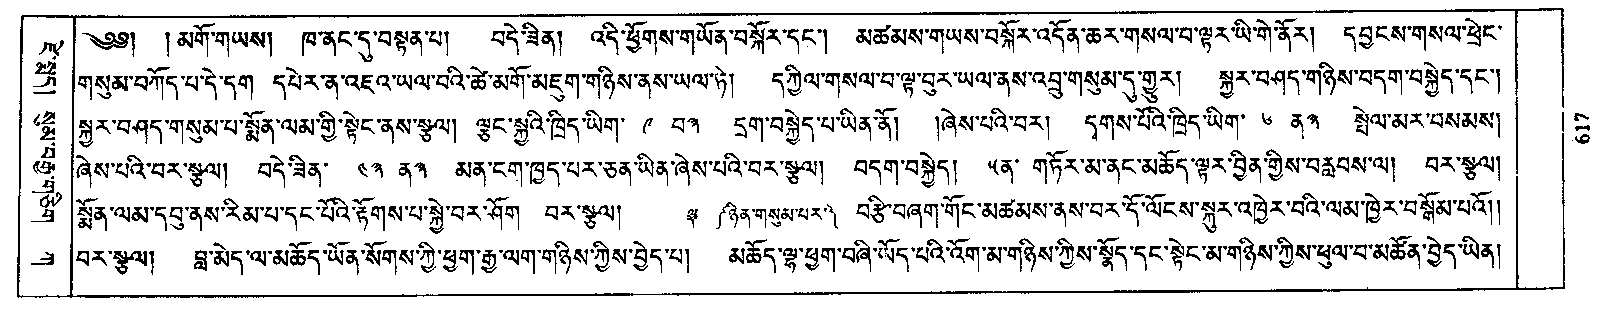༄༅། །མགོ་གཡས། ཁ་ནང་དུ་བསྟན་པ། བདེ་ཟིན། འདི་ཕྱོགས་གཡོན་བསྐོར་དང་། མཚམས་གཡས་བསྐོར་འདོན་ཆར་གསལ་བ་ལྟར་ཡི་གེ་ནོར། དབྱངས་གསལ་ཕྲེང་
གསུམ་བཀོད་པ་དེ་དག་དཔེར་ན་འཇའ་ཡལ་བའི་ཚེ་མགོ་མཇུག་གཉིས་ནས་ཡལ་ཏེ། དཀྱིལ་གསལ་བ་ལྟ་བུར་ཡལ་ནས་འབྲུ་གསུམ་དུ་གྱུར། སྐྱར་བཤད་གཉིས་བདག་བསྐྱེད་དང་།
སྐྱར་བཤད་གསུམ་པ་སྨོན་ལམ་གྱི་སྟེང་ནས་སྩལ། ལྕང་སྐྱའི་ཁྲིད་ཡིག ༩་བ ༣་དྲག་བསྐྱེད་པ་ཡིན་ནོ། །ཞེས་པའི་བར། དྭགས་པོའི་ཁྲིད་ཡིག ༦་ན ༣་སྤེལ་མར་བསམས།
ཞེས་པའི་བར་སྩལ། བདེ་ཟིན ༤༣་ན ༣་མན་ངག་ཁྱད་པར་ཅན་ཡིན་ཞེས་པའི་བར་སྩལ། བདག་བསྐྱེད། ༥་ན་གཏོར་མ་ནང་མཆོད་ལྟར་བྱིན་གྱིས་བརླབས་ལ། བར་སྩལ།
སྨོན་ལམ་དབུ་ནས་རིམ་པ་དང་པོའི་རྟོགས་པ་སྐྱེ་བར་ཤོག་བར་སྩལ། ༈ ཉིན་གསུམ་པར྄་བརྩི་བཞག་གོང་མཚམས་ནས་བར་དོ་ལོངས་སྐུར་འཁྱེར་བའི་ལམ་ཁྱེར་བསྒོམ་པའོ།།
བར་སྩལ། བླ་མེད་ལ་མཆོད་ཡོན་སོགས་ཀྱི་ཕྱག་རྒྱ་ལག་གཉིས་ཀྱིས་བྱེད་པ། མཆོད་ལྷ་ཕྱག་བཞི་ཡོད་པའི་འོག་མ་གཉིས་ཀྱིས་སྣོད་དང་སྟེང་མ་གཉིས་ཀྱིས་ཕུལ་བ་མཚོན་བྱེད་ཡིན།